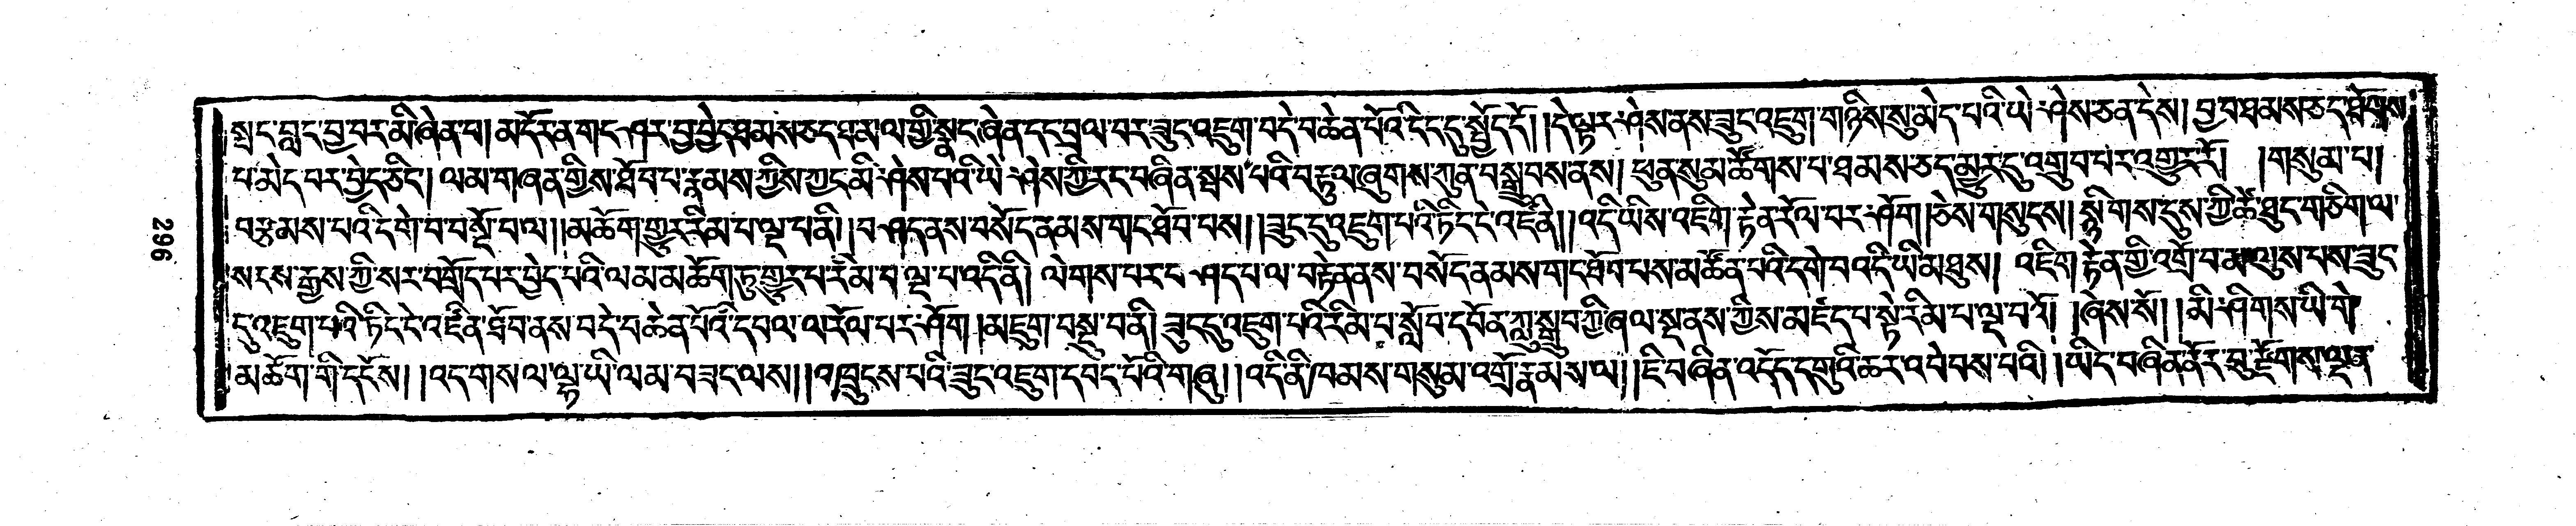སྤང་བླང་བྱ་བར་མི་ཞེན་པ། མདོར་ན་གང་ཤར་བྱ་བྱེད་ཐམས་ཅད་ཐ་མལ་གྱི་སྣང་ཞེན་དང་བྲལ་བར་ཟུང་འཇུག་བདེ་བ་ཆེན་པོའི་ངང་དུ་སྤྱོད་དོ། །དེ་ལྟར་ཤེས་ནས་ཟུང་འཇུག་གཉིས་སུ་མེད་པའི་ཡེ་ཤེས་ཅན་དེས། བྱ་བ་ཐམས་ཅད་ཐོགས་
པ་མེད་པར་བྱེད་ཅིང་། ལམ་གཞན་གྱིས་ཐོབ་པ་རྣམས་ཀྱིས་ཀྱང་མི་ཤེས་པའི་ཡེ་ཤེས་ཀྱི་རང་བཞིན་སྦས་པའི་བརྟུལ་ཞུགས་ཀུན་བསྒྲུབས་ནས། ཕུན་སུམ་ཚོགས་པ་ཐམས་ཅད་མྱུར་དུ་འགྲུབ་པར་འགྱུར་རོ། །གསུམ་པ།
བརྩམས་པའི་དགེ་བ་བསྔོ་བ་ལ། །མཆོག་གྱུར་རིམ་པ་ལྔ་པ་ནི། །བཤད་ནས་བསོད་ནམས་གང་ཐོབ་པས། །ཟུང་དུ་འཇུག་པའི་ཏིང་ངེ་འཛིན། །འདི་ཡིས་འཇིག་རྟེན་རོལ་བར་ཤོག །ཅེས་གསུངས། སྙིགས་དུས་ཀྱི་ཚེ་ཐུང་གཅིག་ལ་
སངས་རྒྱས་ཀྱི་སར་བགྲོད་པར་བྱེད་པའི་ལམ་མཆོག་ཏུ་གྱུར་པ་རིམ་པ་ལྔ་པ་འདི་ནི། ལེགས་པར་བཤད་པ་ལ་བརྟེན་ནས་བསོད་ནམས་གང་ཐོབ་པས་མཚོན་པའི་དགེ་བ་འདི་ཡི་མཐུས། འཇིག་རྟེན་གྱི་འགྲོ་བ་མ་ལུས་པས་ཟུང་
དུ་འཇུག་པའི་ཏིང་ངེ་འཛིན་ཐོབ་ནས་བདེ་བ་ཆེན་པོའི་དཔལ་ལ་རོལ་བར་ཤོག །མཇུག་བསྡུ་བ་ནི། ཟུང་དུ་འཇུག་པའི་རིམ་པ་སློབ་དཔོན་ཀླུ་སྒྲུབ་ཀྱི་ཞལ་སྔ་ནས་ཀྱིས་མཛད་པ་སྟེ་རིམ་པ་ལྔ་པའོ། །ཞེས་སོ། །མི་ཤིགས་ཡི་གེ་
མཆོག་གི་དངོས། །འོད་གསལ་ལྷ་ཡི་ལམ་བཟང་ལས། །འཁྲུངས་པའི་ཟུང་འཇུག་དབང་པོའི་གཞུ། །འདི་ནི་ཁམས་གསུམ་འགྲོ་རྣམས་ལ། །ཇི་བཞིན་འདོད་དགུའི་ཆར་འབེབས་པའི། །ཡིད་བཞིན་ནོར་བུ་རྫོགས་ལྡན་